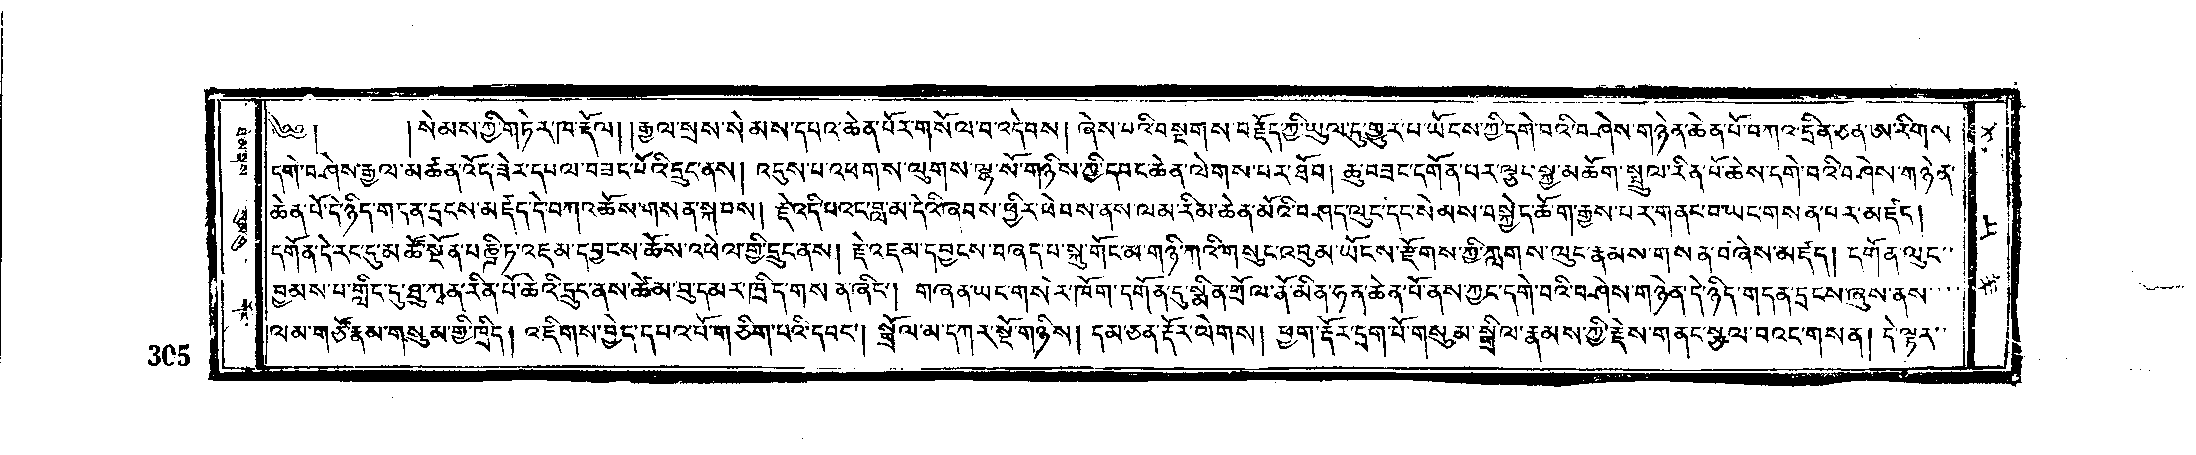༄༅། །སེམས་ཀྱི་གཏེར་ཁ་རྡོལ། །རྒྱལ་སྲས་སེམས་དཔའ་ཆེན་པོར་གསོལ་བ་འདེབས། ཞེས་པའི་བསྔགས་བརྗོད་ཀྱི་ཡུལ་དུ་གྱུར་པ་ཡོངས་ཀྱི་དགེ་བའི་བཤེས་གཉེན་ཆེན་པོ་བཀའ་དྲིན་ཅན་ཨ་རིགས་
དགེ་བཤེས་རྒྱལ་མཚན་འོད་ཟེར་དཔལ་བཟང་པོའི་དྲུང་ནས། འདུས་པ་འཕགས་ལུགས་ལྷ་སོ་གཉིས་ཀྱི་དབང་ཆེན་ལེགས་པར་ཐོབ། ཆུ་བཟང་དགོན་པར་ལྕང་སྐྱ་མཆོག་སྤྲུལ་རིན་པོ་ཆེས་དགེ་བའི་བཤེས་གཉེན་
ཆེན་པོ་དེ་ཉིད་གདན་དྲངས་མཛད་དེ་བཀའ་ཆོས་གསན་སྐབས། རྗེ་འདི་པའང་བླ་མ་དེའི་ཞབས་ཕྱིར་ཕེབས་ནས་ལམ་རིམ་ཆེན་མོའི་བཤད་ལུང་དང་སེམས་བསྐྱེད་ཆོ་ག་རྒྱས་པར་གནང་བ་ཡང་གསན་པར་མཛད།
དགོན་དེ་རང་དུ་མཚོ་སྔོན་པཎྜི་ཏ་འཇམ་དབྱངས་ཆོས་འཕེལ་གྱི་དྲུང་ནས། རྗེ་འཇམ་དབྱངས་བཞད་པ་སྐུ་གོང་མ་གཉི་ཀའི་གསུང་འབུམ་ཡོངས་རྫོགས་ཀྱི་ཀླགས་ལུང་རྣམས་གསན་བཞེས་མཛད། དགོན་ལུང་
བྱམས་པ་གླིང་དུ་ཐུ་ཀྭན་རིན་པོ་ཆེའི་དྲུང་ནས་ཚེམ་བུ་དམར་ཁྲིད་གསན་ཞིང་། གཞན་ཡང་གསེར་ཁོག་དགོན་དུ་སྨིན་གྲོལ་ནོ་མིན་ཧན་ཆེན་པོ་ནས་ཀྱང་དགེ་བའི་བཤེས་གཉེན་དེ་ཉིད་གདན་དྲངས་ཞུས་ནས་
ལམ་གཙོ་རྣམ་གསུམ་གྱི་ཁྲིད། འཇིགས་བྱེད་དཔའ་བོ་གཅིག་པའི་དབང་། སྒྲོལ་མ་དཀར་སྔོ་གཉིས། དམ་ཅན་རྡོར་ལེགས། ཕྱག་རྡོར་དྲག་པོ་གསུམ་སྒྲིལ་རྣམས་ཀྱི་རྗེས་གནང་སྩལ་བའང་གསན། དེ་ལྟར་